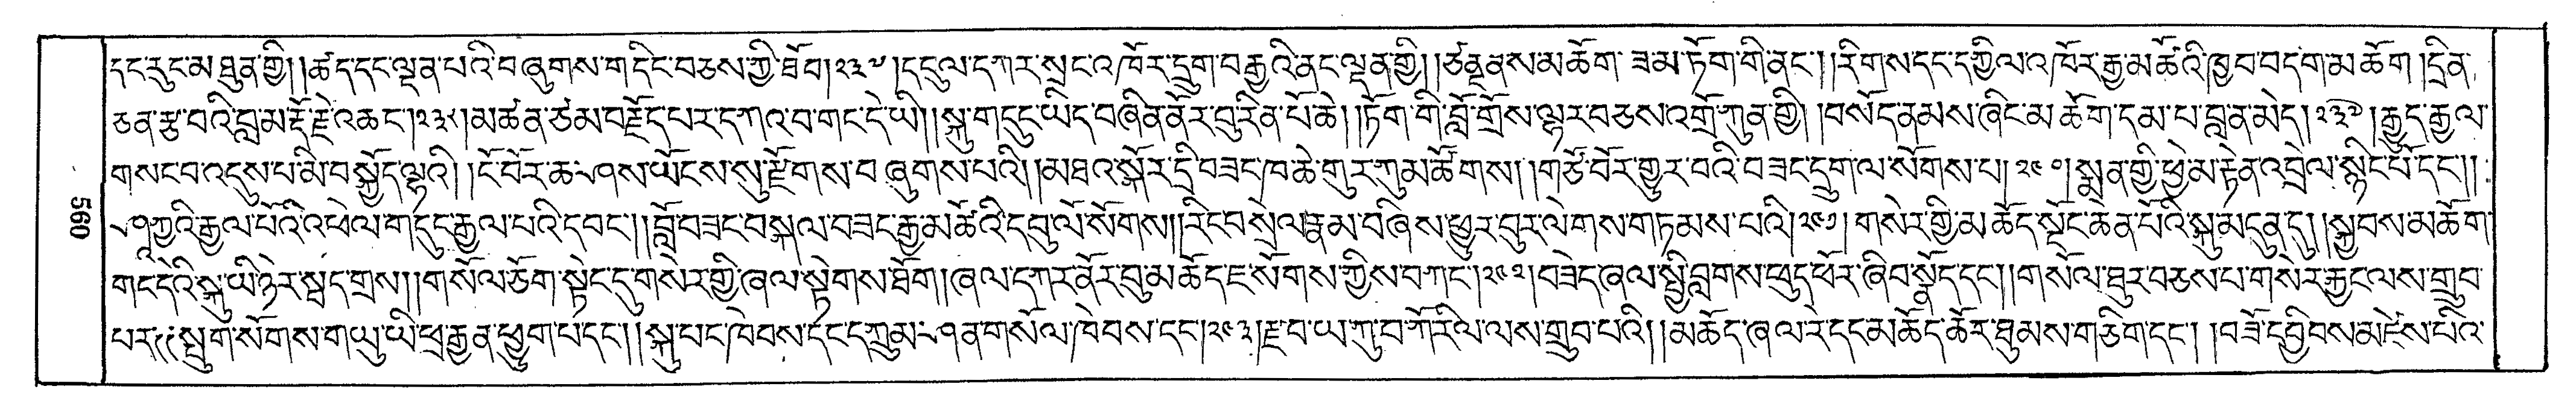དང་རུང་མཐུན་གྱི། །ཚད་དང་ལྡན་པའི་བཞུགས་གདིང་བཅས་ཀྱི་ཐོག ༢༣༧་།དངུལ་དཀར་སྲང་འཁོར་དྲུག་བརྒྱའི་ནང་ལྡན་གྱི། །ཙནྡ་ན་ས་མཆོག་ཟམ་ཏོག་གི་ནང་། །རིགས་དང་དཀྱིལ་འཁོར་རྒྱ་མཚོའི་ཁྱབ་བདག་མཆོག །དྲིན་
ཅན་རྩ་བའི་བླ་མ་རྡོ་རྗེ་འཆང་། ༢༣༨་།མཚན་ཙམ་བརྗོད་པར་དཀའ་བ་གང་དེ་ཡི། །སྐུ་གདུང་ཡིད་བཞིན་ནོར་བུ་རིན་པོ་ཆེ། །ཏོག་གི་བློ་གྲོས་ལྷར་བཅས་འགྲོ་ཀུན་གྱི། །བསོད་ནམས་ཞིང་མཆོག་དམ་པ་བླ་ན་མེད། ༢༣༧་།རྒྱུད་རྒྱལ་
གསང་བ་འདུས་པ་མི་བསྐྱོད་ལྷའི། །ངོ་བོར་ཆ་ཤས་ཡོངས་སུ་རྫོགས་བཞུགས་པའི། །མཐའ་སྐོར་དྲི་བཟང་ཁ་ཆེ་གུར་ཀུམ་ཚོགས། །གཙོ་བོར་གྱུར་བའི་བཟང་དྲུག་ལ་སོགས་པ། ༢༤༠་།སྨན་གྱི་ཕྱེ་མ་རྟེན་འབྲེལ་སྙིང་པོ་དང་། །
ཤཱཀྱའི་རྒྱལ་པོའི་འཕེལ་གདུང་རྒྱལ་བའི་དབང་། །བློ་བཟང་བསྐལ་བཟང་རྒྱ་མཚོའི་དབུ་ལོ་སོགས། །རིང་བསྲེལ་རྣམ་བཞིས་ཕྱུར་བུར་ལེགས་གཏམས་པའི། ༢༤༡་།གསེར་གྱི་མཆོད་སྔོང་ཆེན་པོའི་སྐུ་མདུན་དུ། །སྐྱབས་མཆོག་
གང་དེའི་སྐུ་ཡི་ཉེར་སྤྱད་གྲས། །གསོལ་ཅོག་སྟེང་དུ་གསེར་གྱི་ཞལ་སྟེགས་ཐོག །ཞལ་དཀར་ནོར་བུ་མཆོད་ཇ་སོགས་ཀྱིས་བཀང་། ༢༤༢་།བཟེད་ཞལ་སྤྱི་བླུགས་ཕུད་ཕོར་ཞིབ་སྣོད་དང་། །གསོལ་ཐུར་བཅས་པ་གསེར་རྒྱང་ལས་གྲུབ་
པར༑ ༑སྤུག་སོགས་གཡུ་ཡི་ཕྲ་རྒྱན་ཕྱུག་པ་དང་། །སྐུ་པང་ཁེབས་དང་དཀྲུམ་ཤན་གསོལ་ཁེབས་དང་། ༢༤༣་།རྫབ་ཡ་ཀུ་བ་ཀོ་རིལ་ལས་གྲུབ་པའི། །མཆོད་ཞལ་རེ་དང་མཆོད་ཆོར་ཐུམས་གཅིག་དང་། །བཟོ་དབྱིབས་མཛེས་པའི་